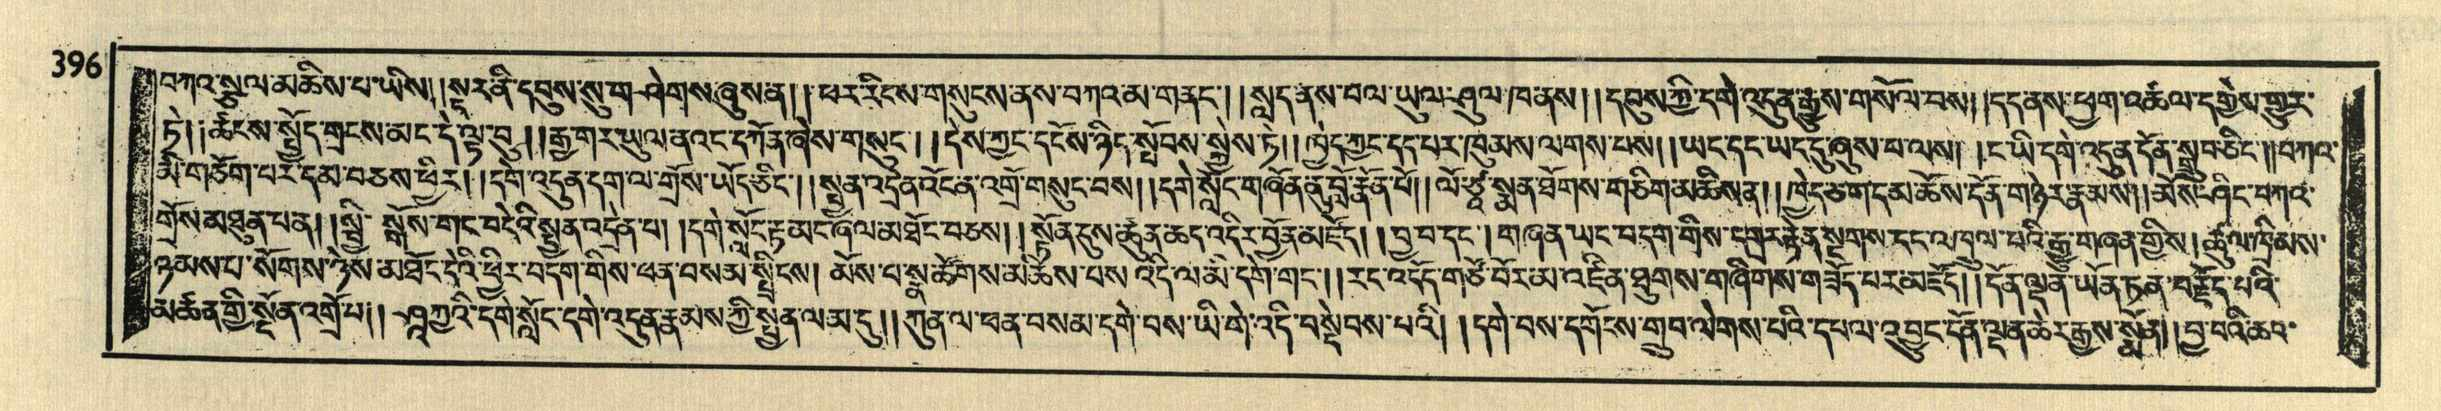བཀའ་སྩལ་མཆིས་པ་ཡིས། །སྔར་ནི་དབུས་སུ་གཤེགས་ཞུས་ན། །ཕར་རིངས་གསུངས་ནས་བཀའ་མ་གནང་། །སླད་ནས་བལ་ཡུལ་ཤུལ་ཁ་ནས། །དབུས་ཀྱི་དགེ་འདུན་རྒྱུས་གསོལ་བས། །དད་ནས་ཕྱག་འཚལ་དགྱེས་གྱུར་
ཏེ༑ ༑ཚངས་སྤྱོད་གྲངས་མང་དེ་ལྟ་བུ། །རྒྱ་གར་ཡུལ་ནའང་དཀོན་ཞེས་གསུང་། །དེས་ཀྱང་དངོས་ཉིད་སྤོབས་སྐྱེས་ཏེ། །ཁྱེད་ཀྱང་དང་པར་ཁུམས་ལགས་པས། །ཡང་དང་ཡང་དུ་ཞུས་པ་ལས། །ང་ཡི་དགེ་འདུན་དོན་སྒྲུབ་ཅིང་། །བཀའ་
མི་གཅོག་པར་དམ་བཅས་ཕྱིར། །དགེ་འདུན་དག་ལ་གྲོས་ཡོད་ཅིང་། །སྤྱན་འདྲེན་འོང་ན་འགྲོ་གསུང་བས། །དགེ་སློང་གཞོན་ནུ་བློ་རྣོན་པོ། །ལོ་ཙཱ་སྨན་ཐོགས་གཅིག་མཆིས་ན། །ཁྱེད་ཅག་དམ་ཆོས་དོན་གཉེར་རྣམས། །མོས་ཤིང་བཀའ་
གྲོས་མཐུན་པ་ན། །སྤྱི་སྒོས་གང་བདེའི་སྤྱན་འདྲེན་པ། །དགེ་སློང་རྟ་མང་ཞལ་མཐོང་བཅས། །སྟོན་དུས་ཚུན་ཆད་འདིར་བྱོན་མཛད། །བྱ་བ་དང་། གཞན་ཡང་བདག་གིས་དགྲར་རྟེན་སྔགས་དང་འཁྲུལ་པའི་རྒྱུ་གཞན་གྱིས། ཚུལ་ཁྲིམས་
ཉམས་པ་སོགས་ཉེས་མཐོང་དེའི་ཕྱིར་བདག་གིས་ཕན་བསམ་སྤྲིངས། མོས་པ་སྣ་ཚོགས་མཆིས་པས་འདི་ལ་མི་དགེ་གང་། །རང་འདོད་གཙོ་བོར་མ་འཛིན་ཐུགས་གཞིགས་གཟོད་པར་མཛོད། །དོན་ལྡན་ཡོན་ཏན་བརྗོད་པའི་
མཚན་གྱི་སྔོན་འགྲོ་པ། །ཤཱཀྱའི་དགེ་སློང་དགེ་འདུན་རྣམས་ཀྱི་སྤྱན་ལམ་དུ། །ཀུན་ལ་ཕན་བསམ་དགེ་བས་ཡི་གེ་འདི་བསྡེབས་པའི། །དགེ་བས་དགོངས་གྲུབ་ལེགས་པའི་དཔལ་འབྱུང་དོན་ལྡན་ཆེར་རྒྱས་སྨོན། །བྱ་བའི་ཆབ་